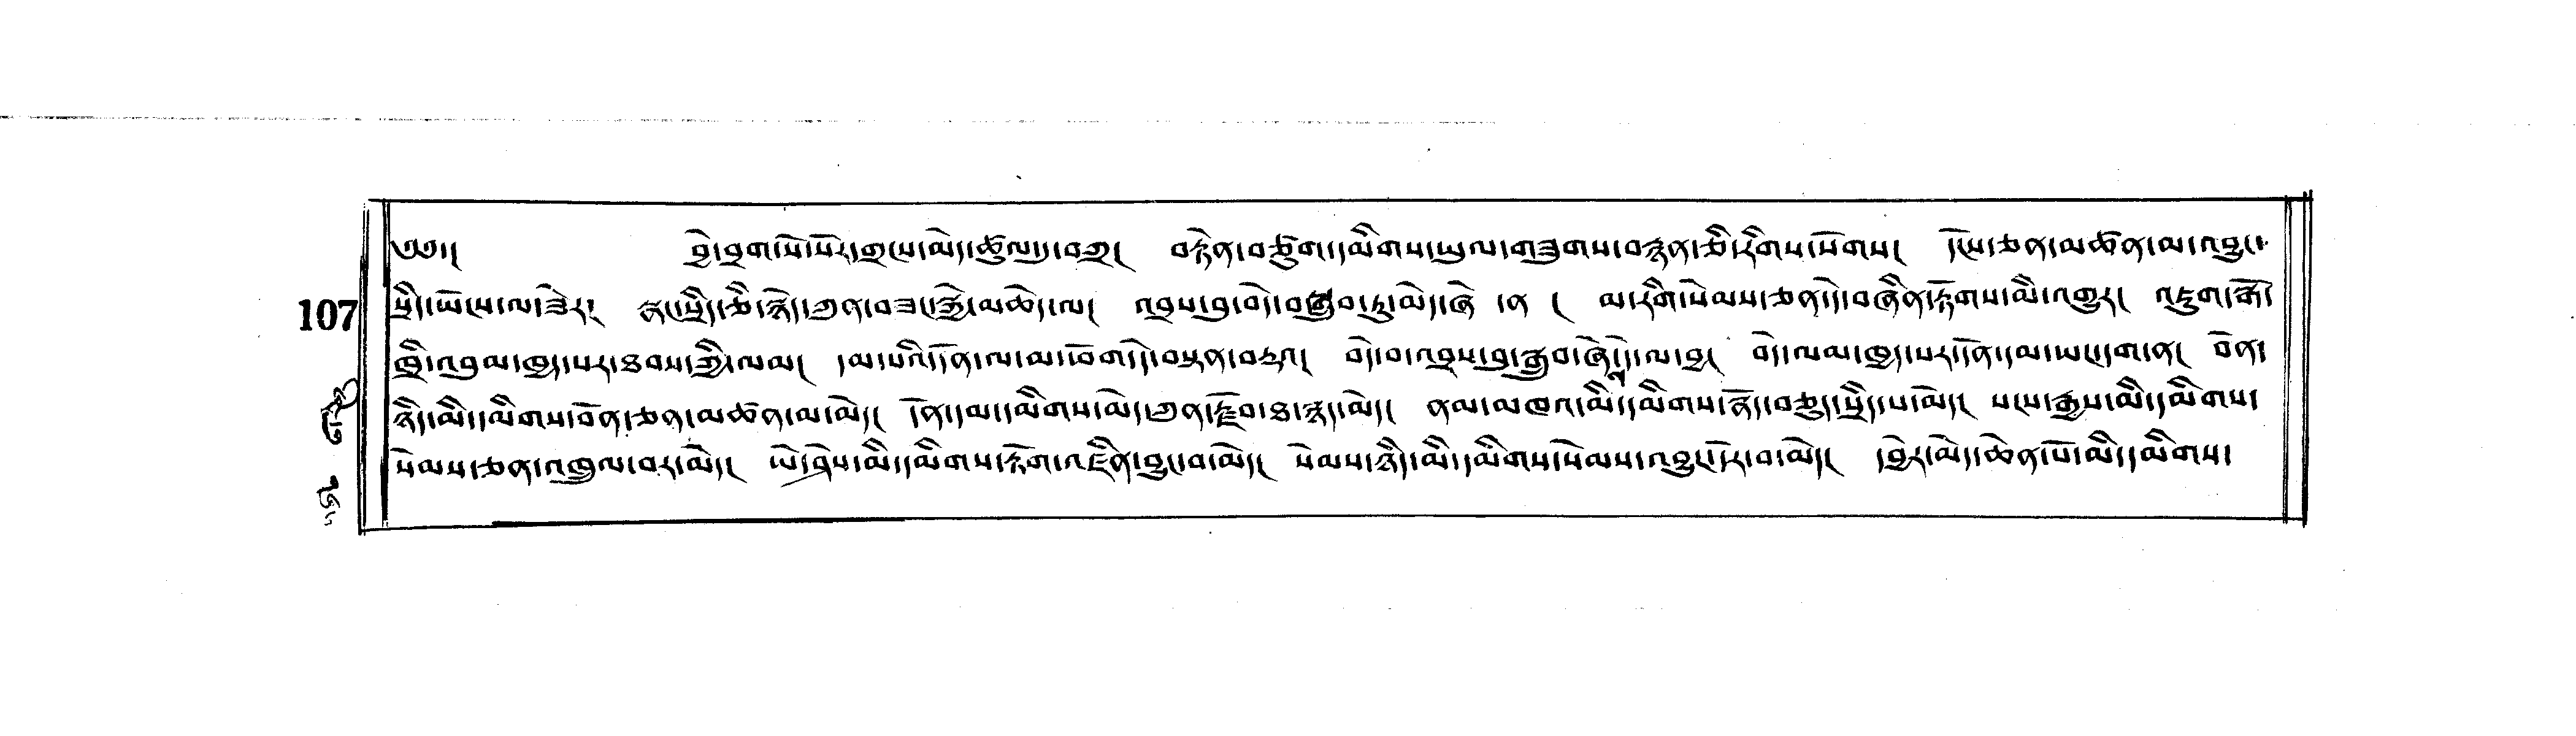བྱེ་བྲག་སོ་སོར་གྲངས་མེད་ཚུལ་དུ་བཀྲ། རྟེན་བཙུགས་དམིགས་ཡུལ་བཟང་ངན་ཅི་རིགས་སོགས། དངོས་ཅན་མཚན་མ་འབྱུང་
སྲིད་ཡོངས་ལ་ཟེར། སྣང་སྲིད་ཅི་སྙེད་ཀུན་བཟང་སྐྱེ་མཆེད་ལ། འབྲས་བུ་བདེ་བ་བསྒྲུབ་ཏུ་མེད་ཅེ་ན། མ་རིག་སེམས་ཅན་དེ་བཞིན་རྟོགས་མི་འགྱུར། འཇུག་སྒོ་
ཁྲི་འབུམ་ཁྱད་པར་ཐབས་ཀྱི་ལམ། དམ་པའི་དོན་ལ་མ་ཕོག་དེ་བསྟན་བརྡ། བདེ་བ་འབྲས་བུ་བསྒྲུབ་ཞེས་དེ་ལ་བྱ། བདེ་ལམ་ཁྱད་པར་དོན་དམ་ཡང་དག་ན། བོན་
ཉིད་མི་དམིགས་བོན་ཅན་མཚན་མ་མེད། དོན་དམ་དམིགས་མེད་ཀུན་རྫོབ་ཐ་སྙད་མེད། ནམ་མཁའ་མི་དམིགས་སྣོད་བཅུད་སྲིད་པ་མེད། སངས་རྒྱས་མི་དམིགས་
སེམས་ཅན་འཁྲུལ་པ་མེད། ཡེ་ཤེས་མི་དམིགས་རྟོག་འཛིན་བྱུང་བ་མེད། སེམས་ཉིད་མི་དམིགས་སེམས་བྱུང་དོར་བ་མེད། དབྱེར་མེད་ཆེན་པོ་མི་དམིགས་